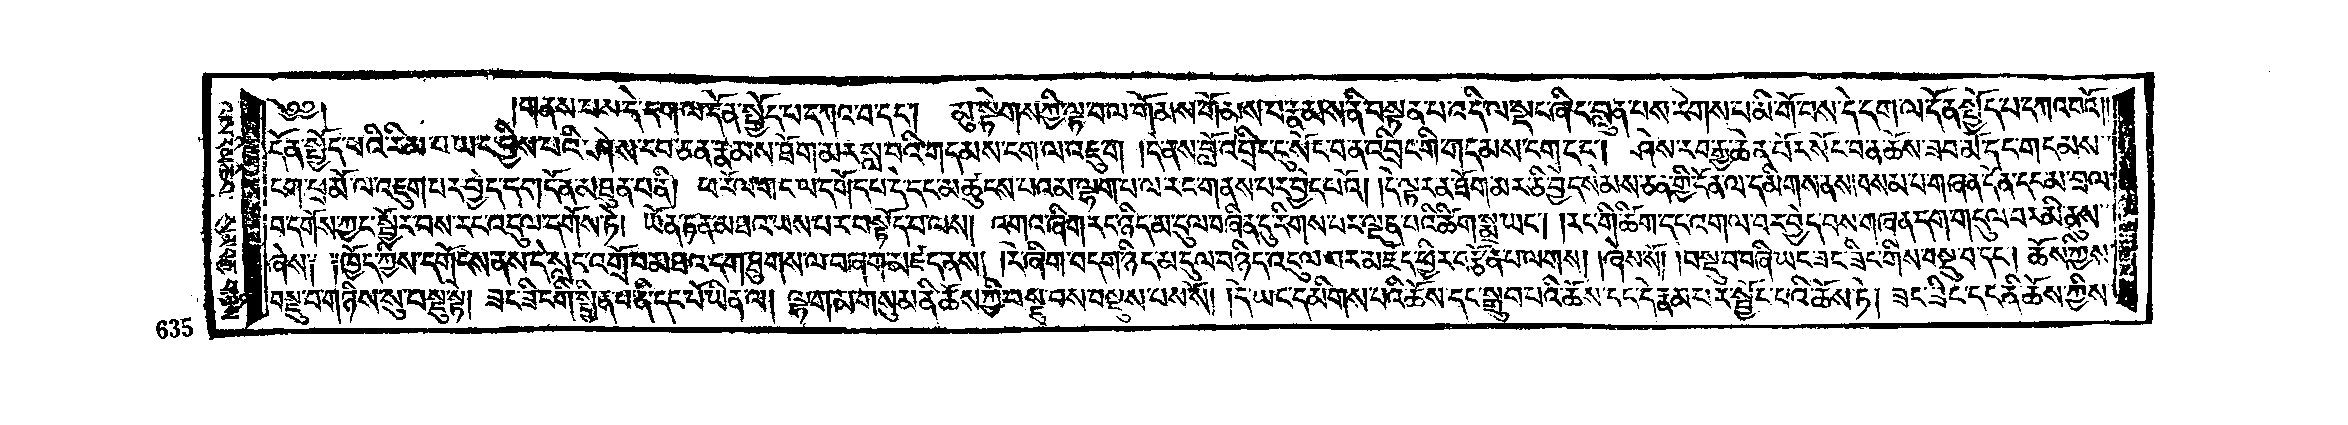༄༅། །གནས་པས་དེ་དག་ལ་དོན་སྤྱོད་པ་དཀའ་བ་དང་། མུ་སྟེགས་ཀྱི་ལྟ་བ་ལ་གོམས་གོམས་པ་རྣམས་ནི་བསྟན་པ་འདི་ལ་སྡང་ཞིང་བླུན་པས་རིགས་པ་མི་གོ་བས་དེ་དག་ལ་དོན་སྤྱོད་པ་དཀའ་བའོ། །
དོན་སྤྱོད་པའི་རིམ་པ་ཡང་བྱིས་པའི་ཤེས་རབ་ཅན་རྣམས་ཐོག་མར་སླ་བའི་གདམས་ངག་ལ་འཇུག །དེ་ནས་བློ་འབྲིང་དུ་སོང་བ་ན་འབྲིང་གི་གདམས་ངག་དང་། ཤེས་རབ་རྒྱ་ཆེན་པོར་སོང་བ་ན་ཆོས་ཟབ་མོ་དང་གདམས་
ངག་ཕྲ་མོ་ལ་འཇུག་པར་བྱེད་དོ། །དོན་མཐུན་པ་ནི། ཕ་རོལ་གང་ལ་དགོད་པ་དེ་དང་མཚུངས་པའམ་ལྷག་པ་ལ་རང་གནས་པར་བྱེད་པའོ། །དེ་ལྟར་ན་ཐོག་མར་ཅི་བྱེད་སེམས་ཅན་གྱི་དོན་ལ་དམིགས་ནས། བསམ་པ་གཞན་དོན་དང་མ་བྲལ་
བ་དགོས་ཀྱང་སྦྱོར་བས་རང་འདུལ་དགོས་ཏེ། ཡོན་ཏན་མཐའ་ཡས་པར་བསྟོད་པ་ལས། འགའ་ཞིག་རང་ཉིད་མ་དུལ་བཞིན་དུ་རིགས་པར་ལྡན་པའི་ཚིག་སྨྲ་ཡང་། །རང་གི་ཚིག་དང་འགལ་བར་བྱེད་པས་གཞན་དག་གདུལ་བར་མི་ནུས་
ཞེས༑ ༑ཁྱོད་ཀྱིས་དགོངས་ནས་དེ་སླད་འགྲོ་བ་མཐའ་དག་ཐུགས་ལ་བཞག་མཛད་ནས། །རེ་ཞིག་བདག་ཉིད་མ་དུལ་བ་ཉིད་འདུལ་བར་མཛད་ཕྱིར་བརྩོན་པ་ལགས། །ཞེས་སོ། །བསྡུ་བ་བཞི་ཡང་ཟང་ཟིང་གིས་བསྡུ་བ་དང་། ཆོས་ཀྱིས་
བསྡུ་བ་གཉིས་སུ་འདུ་སྟེ། ཟང་ཟིང་གི་སྦྱིན་པ་ནི་དང་པོ་ཡིན་ལ། ལྷག་མ་གསུམ་ནི་ཆོས་ཀྱི་བསྡུ་བས་བསྡུས་པས་སོ། །དེ་ཡང་དམིགས་པའི་ཆོས་དང་སྒྲུབ་པའི་ཆོས་དང་དེ་རྣམ་པར་སྦྱོང་བའི་ཆོས་ཏེ། ཟང་ཟིང་དང་ནི་ཆོས་ཀྱིས་